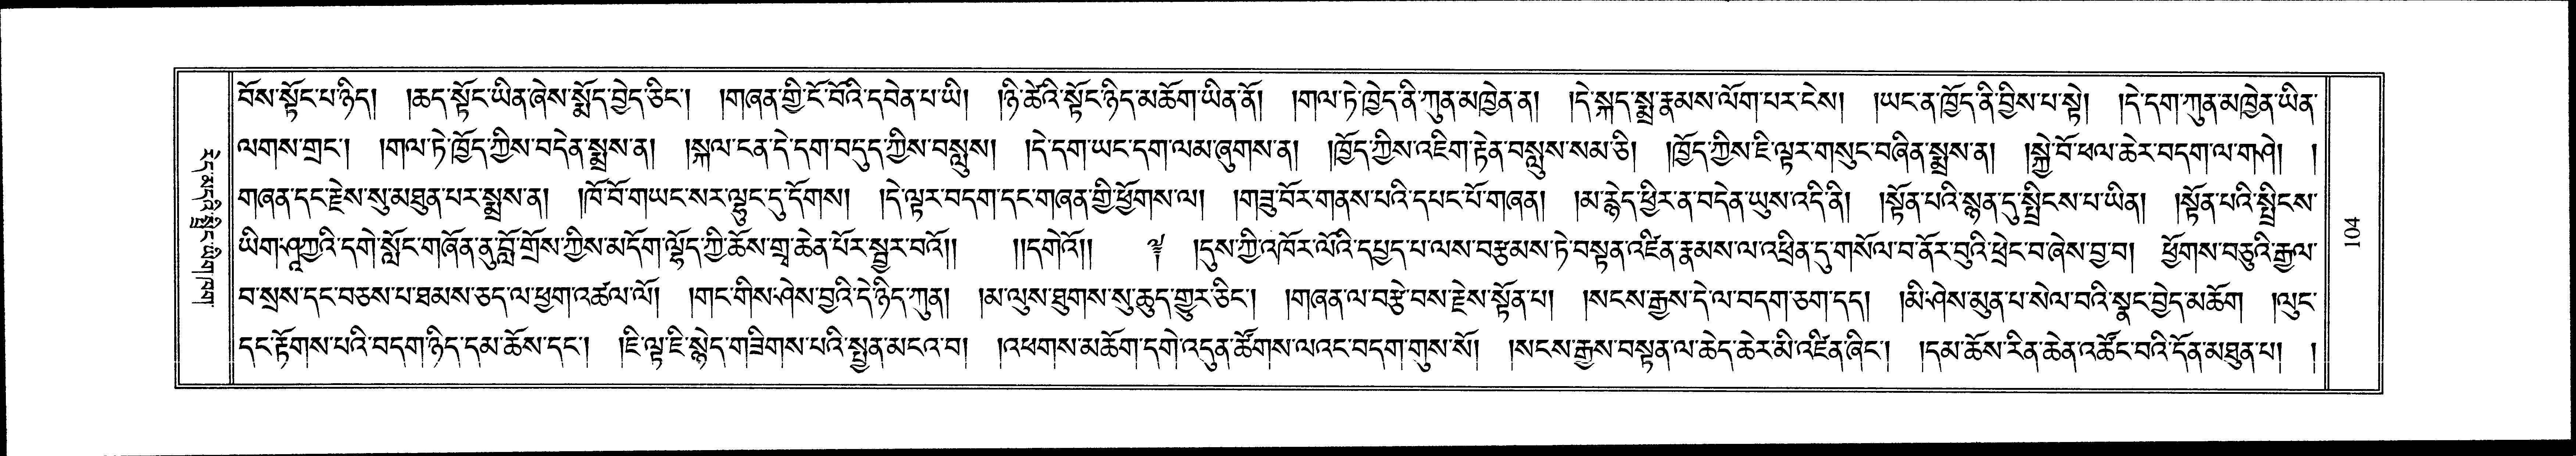བོས་སྟོང་པ་ཉིད། །ཆད་སྟོང་ཡིན་ཞེས་སྨོད་བྱེད་ཅིང་། །གཞན་གྱི་ངོ་བོའི་དབེན་པ་ཡི། །ཉི་ཚེའི་སྟོང་ཉིད་མཆོག་ཡིན་ནོ། །གལ་ཏེ་ཁྱེད་ནི་ཀུན་མཁྱེན་ན། །དེ་སྐད་སྨྲ་རྣམས་ལོག་པར་ངེས། །ཡང་ན་ཁྱོད་ནི་བྱིས་པ་སྟེ། །དེ་དག་ཀུན་མཁྱེན་ཡིན་
ལགས་གྲང་། །གལ་ཏེ་ཁྱོད་ཀྱིས་བདེན་སྨྲས་ན། །སྐལ་ངན་དེ་དག་བདུད་ཀྱིས་བསླུས། །དེ་དག་ཡང་དག་ལམ་ཞུགས་ན། །ཁྱོད་ཀྱིས་འཇིག་རྟེན་བསླུས་སམ་ཅི། །ཁྱོད་ཀྱིས་ཇི་ལྟར་གསུང་བཞིན་སྨྲས་ན། །སྐྱེ་བོ་ཕལ་ཆེར་བདག་ལ་གཤེ། །
གཞན་དང་རྗེས་སུ་མཐུན་པར་སྨྲས་ན། །ཁོ་བོ་གཡང་སར་ལྷུང་དུ་དོགས། །དེ་ལྟར་བདག་དང་གཞན་གྱི་ཕྱོགས་ལ། །གཟུ་བོར་གནས་པའི་དཔང་པོ་གཞན། །མ་རྙེད་ཕྱིར་ན་བདེན་ཡུས་འདི་ནི། །སྟོན་པའི་སྙན་དུ་སྤྲིངས་པ་ཡིན། །སྟོན་པའི་སྤྲིངས་
ཡིག་ཤཱཀྱའི་དགེ་སློང་གཞོན་ནུ་བློ་གྲོས་ཀྱིས་མདོག་ལྷོད་ཀྱི་ཆོས་གྲྭ་ཆེན་པོར་སྦྱར་བའོ།། །།དགེའོ།། ༈ །དུས་ཀྱི་འཁོར་ལོའི་དཔྱད་པ་ལས་བརྩམས་ཏེ་བསྟན་འཛིན་རྣམས་ལ་འཕྲིན་དུ་གསོལ་བ་ནོར་བུའི་ཕྲེང་བ་ཞེས་བྱ་བ། ཕྱོགས་བཅུའི་རྒྱལ་
བ་སྲས་དང་བཅས་པ་ཐམས་ཅད་ལ་ཕྱག་འཚལ་ལོ། །གང་གིས་ཤེས་བྱའི་དེ་ཉིད་ཀུན། །མ་ལུས་ཐུགས་སུ་ཆུད་གྱུར་ཅིང་། །གཞན་ལ་བརྩེ་བས་རྗེས་སྟོན་པ། །སངས་རྒྱས་དེ་ལ་བདག་ཅག་དད། །མི་ཤེས་མུན་པ་སེལ་བའི་སྣང་བྱེད་མཆོག །ལུང་
དང་རྟོགས་པའི་བདག་ཉིད་དམ་ཆོས་དང་། །ཇི་ལྟ་ཇི་སྙེད་གཟིགས་པའི་སྤྱན་མངའ་བ། །འཕགས་མཆོག་དགེ་འདུན་ཚོགས་ལའང་བདག་གུས་སོ། །སངས་རྒྱས་བསྟན་ལ་ཆེད་ཆེར་མི་འཛིན་ཞིང་། །དམ་ཆོས་རིན་ཆེན་འཚོང་བའི་དོན་མཐུན་པ། །